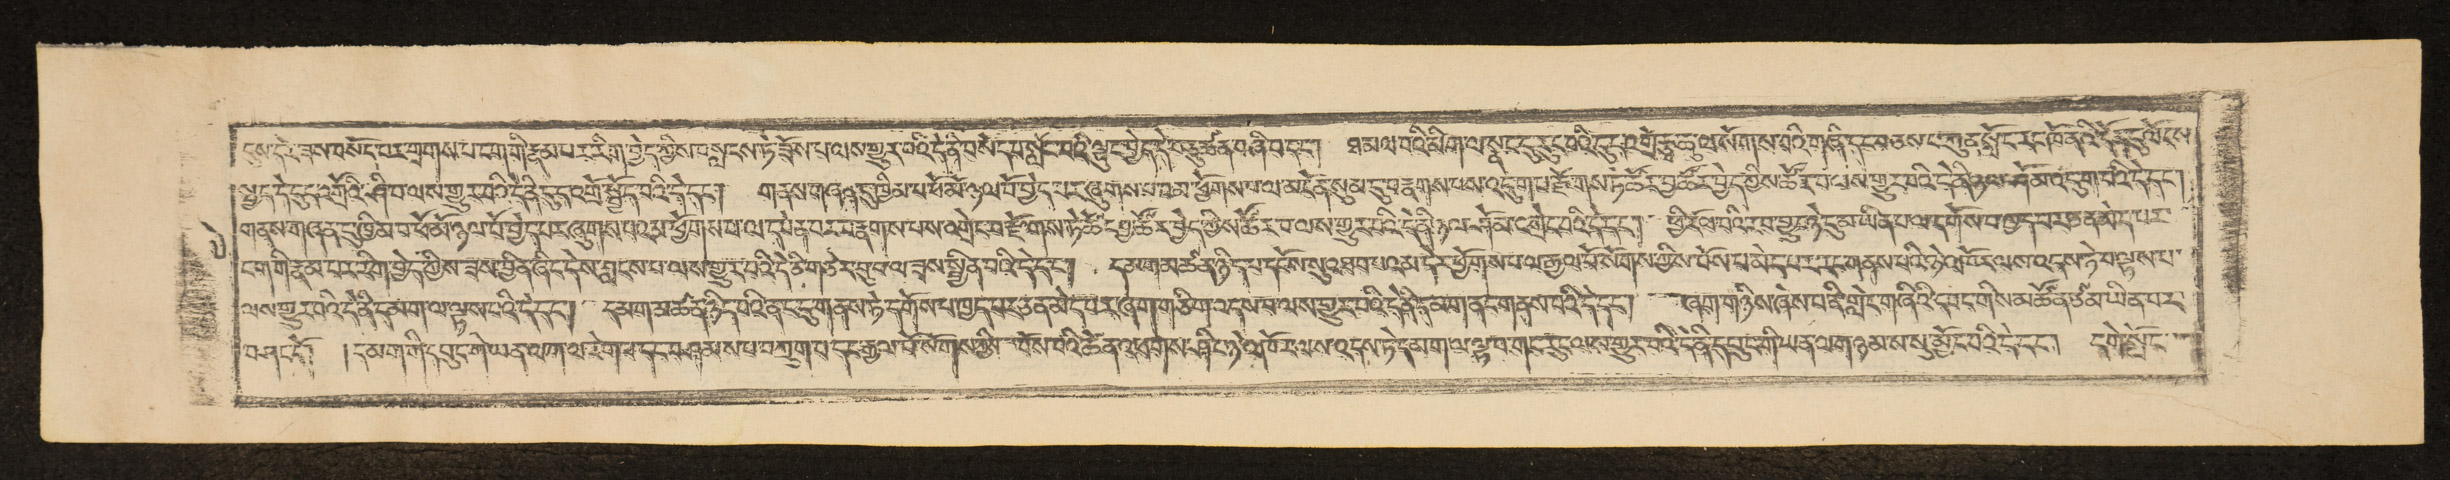དུས་དེར་ཟས་བསོད་པར་གྲགས་པ་ངག་གི་རྣམ་པར་རིག་བྱེད་ཀྱིས་བསླང་སྟེ་ཟོས་པ་ལས་གྱུར་བའི་དེ་ནི་བསོད་བསློང་བའི་ལྷུང་བྱེད་དེ་བཅུ་ཚན་བཞི་བ་དང་། ཐ་མལ་བའི་མིག་ལ་སྣང་དུ་རུང་བའི་དུད་འགྲོ་རྩྭ་ཆུ་ལ་སོགས་པའི་གཞི་དང་བཅས་པ་ཀུན་སློང་རང་ཁོ་ནའི་དོན་དུ་ལོངས་
སྦྱད་དེ་དུད་འགྲོའི་ཤི་བ་ལས་གྱུར་བའི་དེ་ནི་དུད་འགྲོ་སྤྱོད་པའི་དེ་དང་། གནས་གཞན་དུ་ཁྱིམ་པ་ཕོ་མོ་ཉལ་པོ་བྱེད་པར་ཞུགས་པའམ་ཕྱོགས་པ་ལ་མངོན་སུམ་དུ་བརྣགས་པས་འདུག་པ་རྫོགས་ཏེ་ཚོར་བྱ་ཚོར་བྱེད་ཀྱིས་ཚོར་བ་ལས་གྱུར་བའི་དེ་ནི་ཉལ་ཤོམ་འདུག་པའི་དེ་དང་།
གནས་གཞན་དུ་ཁྱིམ་པ་ཕོ་མོ་ཉལ་པོ་བྱེད་པར་ཞུགས་པའམ་ཕྱོགས་པ་ལ་དཔེན་པར་བརྣགས་པས་འགྲེང་བ་རྫོགས་ཏེ་ཚོར་བྱ་ཚོར་བྱེད་ཀྱིས་ཚོར་བ་ལས་གྱུར་བའི་དེ་ནི་ཉལ་ཤོམ་འགྲེང་བའི་དེ་དང་། ཕྱི་རོལ་བའི་རབ་བྱུང་ཉེ་དུ་མ་ཡིན་པ་ལ་དགོས་པ་ཁྱད་པར་ཅན་མེད་པར་
ངག་གི་རྣམ་པར་རིག་བྱེད་ཀྱིས་ཟས་བྱིན་ཞིང་དེས་བླངས་པ་ལས་གྱུར་བའི་དེ་ཅིག་གཅེར་བུ་བ་ལ་ཟས་སྦྱིན་པའི་དེ་དང་། དམག་མཚན་ཉིད་པ་དངོས་སུ་འཐབ་པའམ་དེར་ཕྱོགས་པ་ལ་རྒྱལ་པོ་སོགས་ཀྱིས་པོས་བ་མེད་པར་རང་གནས་པའི་ཉེ་འཁོར་ལས་འདས་ཏེ་བལྟས་པ་
ལས་གྱུར་བའི་དེ་ནི་དམག་ལ་ལྟས་པའི་དེ་དང་། དམག་མཚན་ཉིད་པའི་ནང་དུ་གནས་ཏེ་དགོས་པ་ཁྱད་པར་ཅན་མེད་པར་ཞག་གཅིག་འདས་པ་ལས་གྱུར་བའི་དེ་ནི་དམག་ནང་གནས་པའི་དེ་དང་། ཞག་གཉིས་ཞེས་པ་ནི་གླེང་གཞིའི་དབང་གིས་མཚོན་ཙམ་ཡིན་པར་
བཤད་དོ། །དམག་གི་དཔུང་གི་ཡན་ལག་ལ་རེག་པ་དང་བཤམས་པ་བཀྲུགས་པ་དང་རྒྱལ་པོ་སོགས་ཀྱིས་བོས་ཚོན་འཕགས་ཤིང་ཉེ་འཁོར་ལས་འདས་ཏེ་དམག་ལ་ལྟ་བ་གང་རུང་ལས་གྱུར་བའི་དེ་ནི་དཔུང་གི་ཡན་ལག་ཉམས་སུ་མྱོང་བའི་དེ་དང་། དགེ་སློང་